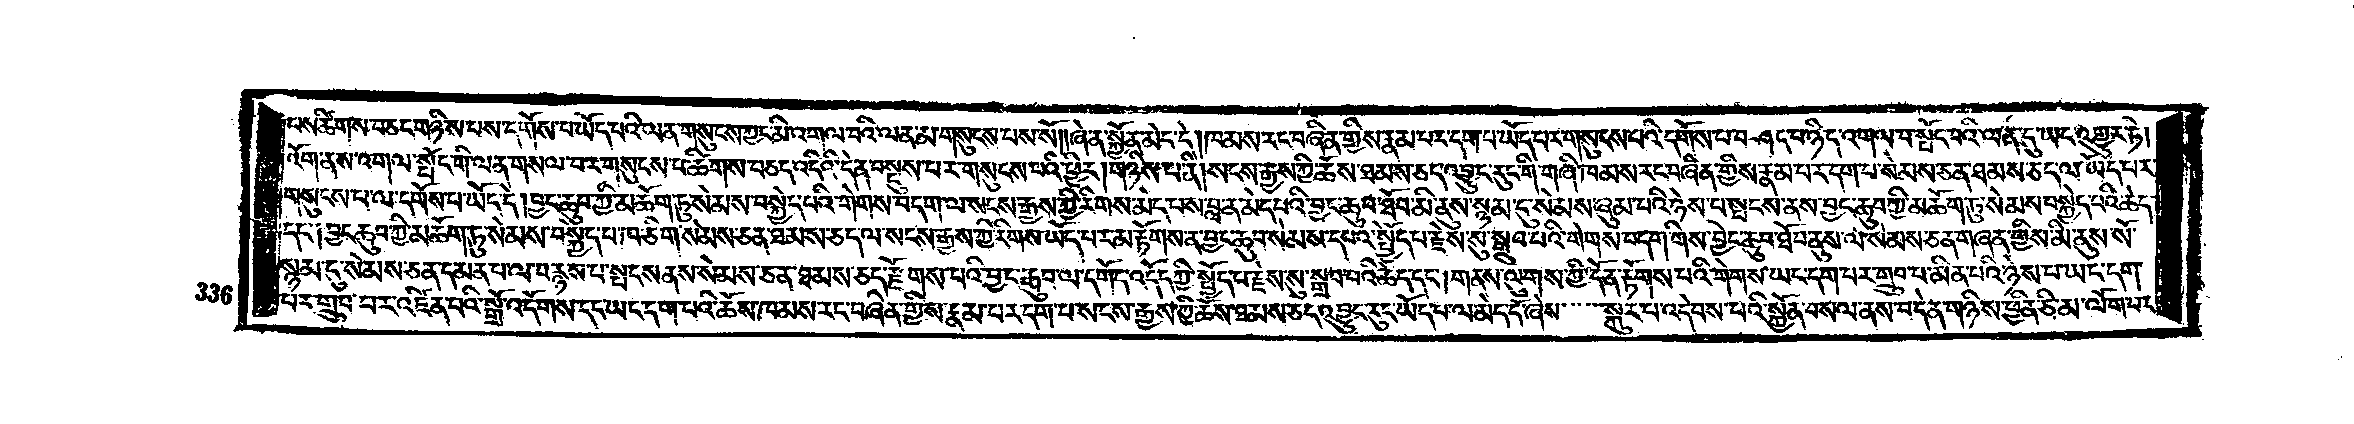པས་ཚིགས་བཅད་གཉིས་པས་དགོས་པ་ཡོད་པའི་ལན་གསུངས་ཀྱང་མི་འགལ་བའི་ལན་མ་གསུངས་པས་སོ། །ཞེ་ན་སྐྱོན་མེད་དེ། ཁམས་རང་བཞིན་གྱིས་རྣམ་པར་དག་པ་ཡོད་པར་གསུངས་པའི་དགོས་པ་བཤད་པ་ཉིད་འགལ་པ་སྤོང་བའི་ལན་དུ་ཡང་འགྱུར་ཏེ།
འོག་ནས་འགལ་སྤོང་གི་ལན་གསལ་བར་གསུངས་པ་ཚིགས་བཅད་འདིའི་དོན་བསྡུས་པར་གསུངས་པའི་ཕྱིར། གཉིས་པ་ནི། སངས་རྒྱས་ཀྱི་ཆོས་ཐམས་ཅད་འབྱུང་རུང་གི་གཞི་ཁམས་རང་བཞིན་གྱིས་རྣམ་པར་དག་པ་སེམས་ཅན་ཐམས་ཅད་ལ་ཡོད་པར་
གསུངས་པ་ལ་དགོས་པ་ཡོད་དེ། བྱང་ཆུབ་ཀྱི་མཆོག་ཏུ་སེམས་བསྐྱེད་པའི་གེགས་བདག་ལ་སངས་རྒྱས་ཀྱི་རིགས་མེད་པས་བླ་ན་མེད་པའི་བྱང་ཆུབ་ཐོབ་མི་ནུས་སྙམ་དུ་སེམས་ཞུམ་པའི་ཉེས་པ་སྤངས་ནས་བྱང་ཆུབ་ཀྱི་མཆོག་ཏུ་སེམས་བསྐྱེད་པའི་ཆེད་
དང༑ བྱང་ཆུབ་ཀྱི་མཆོག་ཏུ་སེམས་བསྐྱེད་པ་ཁ་ཅིག་སེམས་ཅན་ཐམས་ཅད་ལ་སངས་རྒྱས་ཀྱི་རིགས་ཡོད་པར་མ་རྟོགས་ན་བྱང་ཆུབ་སེམས་དཔའ་སྤྱོད་པ་རྗེས་སུ་སྒྲུབ་པའི་གེགས་བདག་གིས་བྱང་ཆུབ་ཐོབ་ནུས་ལ་སེམས་ཅན་གཞན་གྱིས་མི་ནུས་སོ་
སྙམ་དུ་སེམས་ཅན་དམན་པ་ལ་བརྙས་པ་སྤངས་ནས་སེམས་ཅན་ཐམས་ཅད་རྫོགས་པའི་བྱང་ཆུབ་ལ་དགོད་འདོད་ཀྱི་སྤྱོད་པ་རྗེས་སུ་སྒྲུབ་པའི་ཆེད་དང་། གནས་ལུགས་ཀྱི་དོན་རྟོགས་པའི་གེགས་ཡང་དག་པར་གྲུབ་པ་མིན་པའི་ཉེས་པ་ཡང་དག་
པར་གྲུབ་པར་འཛིན་པའི་སྒྲོ་འདོགས་དང་ཡང་དག་པའི་ཆོས་ཁམས་རང་བཞིན་གྱིས་རྣམ་པར་དག་པ་སངས་རྒྱས་ཀྱི་ཆོས་ཐམས་ཅད་འབྱུང་རུང་ཡོད་པ་ལ་མེད་དོ་ཞེས་སྐུར་པ་འདེབས་པའི་སྐྱོན་བསལ་ནས་བདེན་གཉིས་ཕྱིན་ཅི་མ་ལོག་པར་